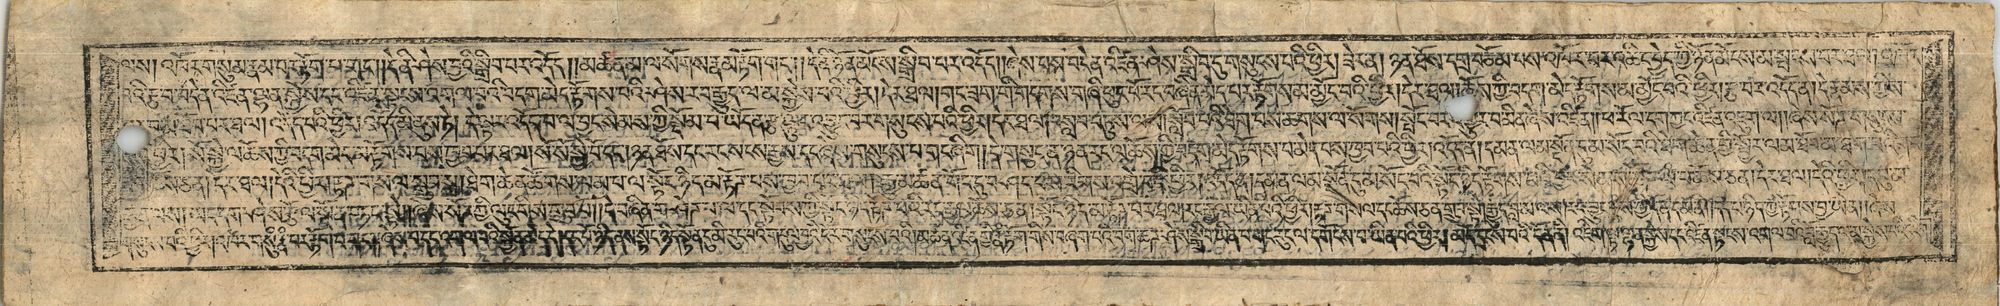ལས། འཁོར་གསུམ་རྣམ་པར་རྟོག་པ་གང་། །དེ་ནི་ཤེས་བྱའི་སྒྲིབ་པར་འདོད། །མཚན་མ་ལ་སོགས་རྣམ་རྟོག་གང་། །དེ་ནི་ཉོན་མོངས་སྒྲིབ་པར་འདོད། །ཞེས་པས་བདེན་འཛིན་ཤེས་སྒྲིབ་དུ་གསུངས་པའི་ཕྱིར། ཟེར་ན། ཉན་ཐོས་དགྲ་བཅོམ་པས་འཁོར་བར་འཆིང་བྱེད་ཀྱི་ཉོན་མོངས་མ་སྤངས་པར་ཐལ། འཁོར་
བའི་རྩ་བ་བདེན་འཛིན་ལྷན་སྐྱེས་དང་འཛིན་སྟངས་འགལ་བའི་བདག་མེད་རྟོགས་པའི་ཤེས་རབ་རྒྱུད་ལ་མ་སྐྱེས་པའི་ཕྱིར། དེར་ཐལ། གང་ཟག་གི་གདགས་གཞི་ཕུང་པོ་རང་བཞིན་མེད་པར་རྟོགས་མ་མྱོང་བའི་ཕྱིར། དེར་ཐལ། ཆོས་ཀྱི་བདག་མེད་རྟོགས་མ་མྱོང་བའི་ཕྱིར། རྩ་བར་འདོད་ན། དེ་རྣམས་ཀྱིས་
ཐར་པ་མ་ཐོབ་པར་ཐལ། འདོད་པའི་ཕྱིར། འདོད་མི་ནུས་ཏེ། དེ་ལྟར་འདོད་པ་ལ་བྱང་སེམས་ཀྱི་སྡོམ་པ་ཡོད་ན་རྩ་ལྟུང་འབྱུང་བར་གསུངས་པའི་ཕྱིར། དེར་ཐལ། བསླབ་བཏུས་ལས། སློབ་པའི་ཐེག་པས་ཆགས་ལ་སོགས། སྤོང་བར་འགྱུར་བ་མིན་ཞེས་འཛིན། །ཕ་རོལ་དག་ཀྱང་འཛིན་འཇུག་ལ། །ཞེས་སོགས་གསུངས་
པའི་ཕྱིར། སོ་སྐྱེ་ལ་ཆོས་ཀྱི་བདག་མེད་མ་རྟོགས་པས་ཁྱབ་པར་ཐལ། སོ་སོ་སྐྱེ་བོ་དང་། ཉན་ཐོས་དང་རང་སངས་རྒྱས་དང་ཞེས་གསུངས་པ་གང་ཞིག །དེ་གསུང་ན་ཉན་རང་ལ་ཆོས་ཀྱི་བདག་མེད་རྟོགས་པ་མེད་པས་ཁྱབ་པའི་ཕྱིར། འདོད་ན། དམན་ལམ་སྔོན་དུ་མ་སོང་བའི་ཐེག་ཆེན་གྱི་སྦྱོར་ལམ་ཐོབ་མ་ཐག་པའི་གང་
ཟག་ཆོས་ཅན། དེར་ཐལ། དེའི་ཕྱིར། རྟགས་གསལ་སྒྲུབ་སླ། ཐེག་ཆེན་ཚོགས་ལམ་པ་ལ་སྟོང་ཉིད་མ་རྟོགས་པས་ཁྱབ་པར་ཐལ། རྒྱུ་མཚན་གོང་དུ་བཤད་པས་རིགས་འགྲེལ་བའི་ཕྱིར། འདོད་ན། དམན་ལམ་སྔོན་དུ་མ་སོང་བའི་སྟོང་ཉིད་རྟོགས་པའི་བྱང་སེམས་ཚོགས་ལམ་པ་ཆོས་ཅན། དེར་ཐལ། དེའི་ཕྱིར། དབུ་མ་
རྒྱན་ལས། ཡང་དག་ཤེས་རྩོལ་སྔོན་བཏང་སྟེ། །ཞེས་སོགས་ཀྱི་ལུང་གིས་གྲུབ་བོ། །དེ་བཞིན་གཤེགས་པ་ལ་རང་སྟོབས་ཀྱི་སྟོང་ཉིད་རྟོགས་པའི་རང་རྒྱལ་ཆོས་ཅན། སྟོང་ཉིད་མ་རྟོགས་པར་ཐལ། རང་རྒྱལ་ཡིན་པའི་ཕྱིར། རྟགས་གསལ་དང་ཆོས་ཅན་གྲུབ་སྟེ། རྒྱུད་བླ་མ་ལས། རང་བྱུང་རྣམས་ཀྱི་དོན་དམ་ནི། །དད་པ་ཉིད་ཀྱི་རྟོགས་བྱ་ཡིན། །ཞེས་
གསུངས་པའི་ཕྱིར། འཁོར་གསུམ་རྣམ་པར་རྟོག་པ་གང་། །ཞེས་པ་དང་འགལ་བའི་སྐྱོན་མེད་དེ། དང་པོ་ཉིད་ནས་སྟོང་ཉིད་སྟོན་དུ་མི་རུང་བའི་གདུལ་བྱའི་ངོར་གསུངས་པའི། མཚན་འཛིན་གྱི་རྣམ་རྟོག་གིས་བཞག་པའི་བག་ཆགས་ཤེས་སྒྲིབ་ཡིན་པ་གང་རུང་ལ་དགོངས་པ་ཡིན་པའི་ཕྱིར། མདོ་དྲངས་པའི་དོན་ནི། འཇིག་ལྟ་ལྷན་སྐྱེས་དང་འཛིན་སྟངས་འགལ་བའི་བློ་རྒྱུད་ལ་མ་སྐྱེས་བའི་འཇིག་